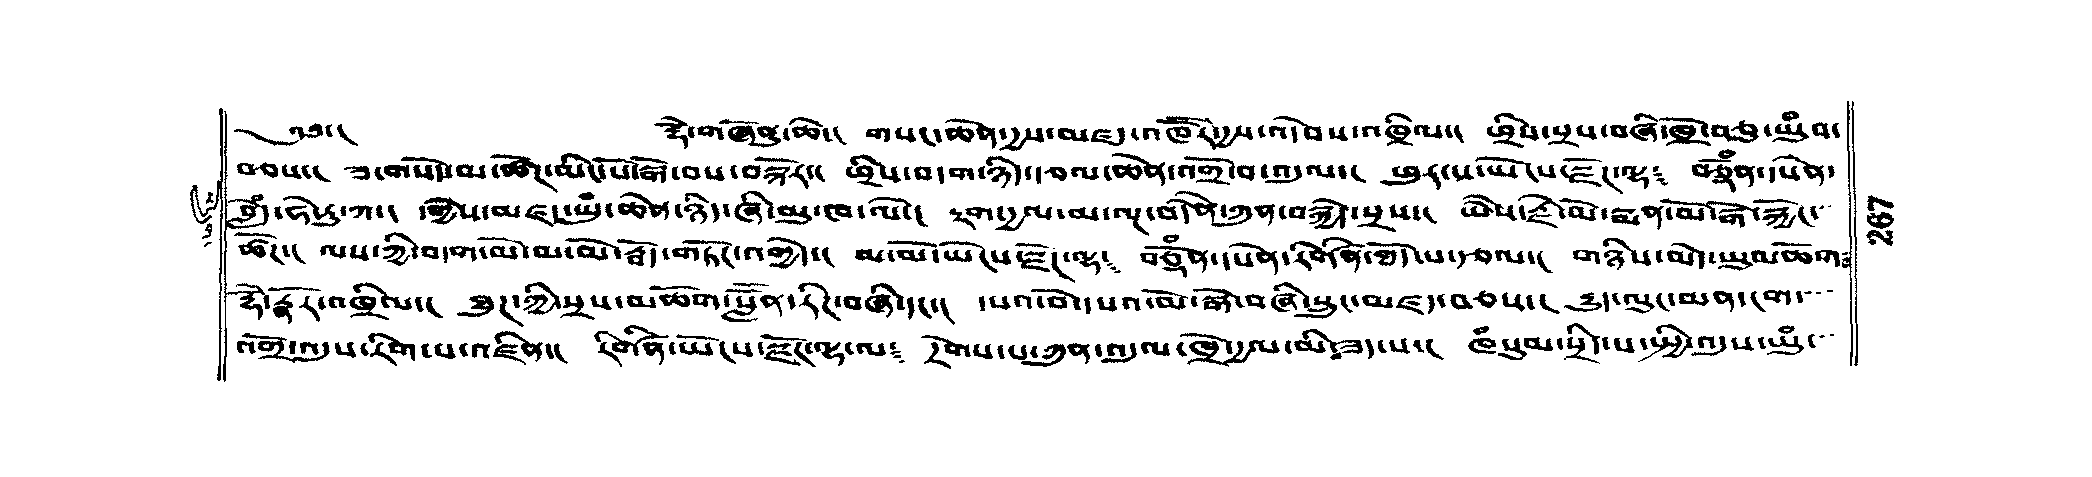རྡོ་རྗེ་གཞོན་ནུ་ཆེ། །གསང་ཆེན་རྒྱས་མཛད་འཁོར་ལོ་རྒྱས་འདེབས་འཁྲིལ། །ཕྲིན་ལས་སྲས་བཞི་ཁྲོ་བཅུ་ཡབ་ཡུམ་
བཅས། །ཟ་གསོད་མ་ཚོགས་མིང་པོ་སྒོ་བས་བསྐོར། །ཕྲིན་ལས་བདག་ཉིད་རྩལ་ཆེན་འགྲོ་བ་འདུལ། །ཕུར་པ་ཡོངས་རྫོགས་ལྷ་ལ་༴ བཅོམ་ལྡན་སྡེ་དཔོན་
བླ་མེད་ཧེ་རུ་ཀ། །དགྱེས་མཛད་ཡུམ་ཆེན་ཉིད་ཞི་མུ་ཁ་ལེ། །རྟག་རྒྱལ་མ་ལྔ་བདེ་ཆེན་ཀུན་བསྐྱེད་སྲས། །ཡེ་ཤེས་རྗེ་མོ་སྨན་མོ་སྒོ་སྐྱོང་
ཚོགས། །ལས་ཀྱི་བདག་མོ་མ་མོ་རྦོད་གཏོང་འགྱེད། །མ་མོ་ཡོངས་རྫོགས་ལྷ་༴ བཅོམ་ལྡན་སྡེ་དཔོན་རིག་འཛིན་ཐོད་པ་རྩལ། །གཉིས་མེད་ཡུམ་མཆོག་
རྡོ་རྗེ་རྣལ་འབྱོར་འཁྲིལ། །ཐུགས་ཀྱི་སྲས་མཆོག་སློབ་དཔོན་རིགས་བཞི་དང་། །དཔའ་བོ་དཔའ་མོ་སྒོ་བཞི་སྲུང་མཛད་བཅས། །རྒྱུད་ལུང་མན་ངག་
འགྲོ་འདུས་རིག་པ་འཛིན། །རིག་འཛིན་ཡོངས་རྫོགས་ལྷ་ལ་༴ དྲེགས་པ་ཀུན་འདུལ་ཁྲོ་རྒྱལ་མི་ཟད་པ། །ཁམས་གསུམ་སྲིད་པ་སྤྱི་འདུས་ཡུམ་